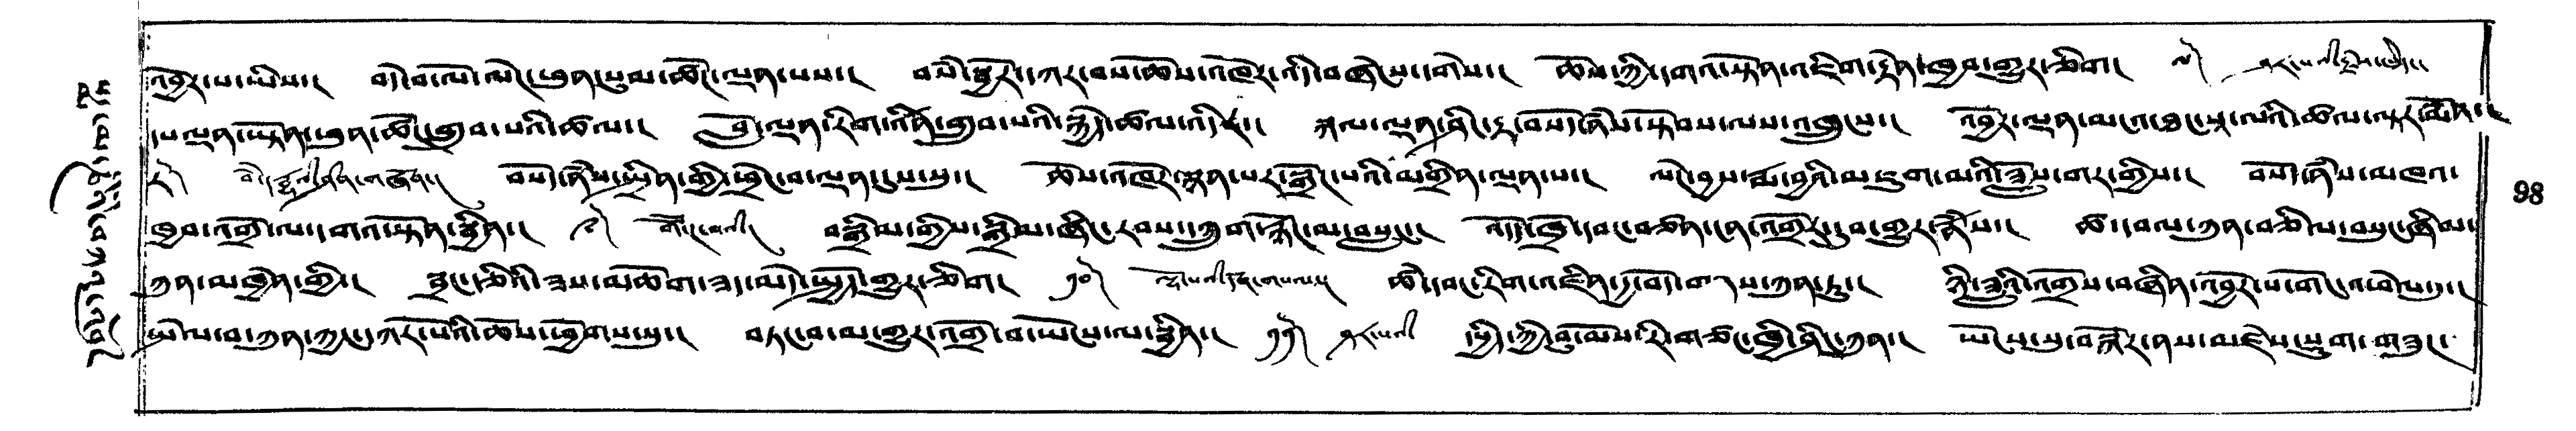འབྱོར་པ་ཡིས། །བདེ་བ་ལོ་ལེགས་ཕུན་སུམ་ཚོགས་ལྡན་པས། །བསམ་སྦྱོར་དཀར་བས་ཆོས་འཁོར་འདི་བཞེངས་དགེས། །ཆོས་ཀྱི་དགའ་སྟོན་འཇིག་རྟེན་ཁྱབ་གྱུར་ཅིག ། ༧༽ ཤར་པའི་རྗེས་ཉིད། 
དཔལ་ལྡན་ཡོན་ཏན་ཕུན་ཚོགས་གྲུབ་པའི་ཚལ། །བློ་ལྡན་རིག་འཛིན་གྲུབ་པའི་སྐྱེད་ཚལ་འདིར། །སྐལ་ལྡན་ཤིང་རྟ་བསོད་ནམས་སྟོབས་ལས་འཁྲུངས། །འབྱོར་ལྡན་མངའ་ཐང་ས་ལའི་ཚལ་ལྟར་སྨོན། ། ༨༽ 
བཻ་དརྦྷའི་ཤིན་གཞོན། བསོད་ནམས་སྤྲིན་གྱི་ཕྲེང་བ་ལྡན་དུས་སུ། །ཆོས་འཁོར་སྙན་པར་སྒྲོགས་པའི་མགྲིན་ལྡན་པ། །ལེགས་བྱས་རྨ་བྱའི་མཇུག་མའི་ཟློས་གར་གྱིས། །བསོད་ནམས་མཁའ་
ཁྱབ་འགྲོ་ལ་དགའ་སྟོན་སྦྱིན། ། ༩༽ གཽ་ཌཱ་བའི། བསྒྲིམས་གྱིས་སྒྲིམ་ཞིང་རབ་དཀྲུགས་རྙོག་མ་བསླང་། །འདོད་ཁྲོ་དབང་བཙན་ངན་འགྲོར་དུབ་གྱུར་རྣམས། །ཚ་དབལ་ཀུན་བཅིལ་བསུང་ཞིམ་
ཀུན་མཁྱེན་གྱི། །སྦྲང་རྩིའི་ཟས་མཆོག་ཟད་མེད་སྤྱོད་གྱུར་ཅིག ། ༡༠༽ ལྷོ་པའི་དོན་གསལ། ཚེ་དབང་རིག་འཛིན་རྒྱ་བོད་གནས་ཀུན་ཏུ། །ཉི་ཟླའི་འགྲོས་བཞིན་འབྱོར་པ་གོང་འཕེལ་དུ། །
སྤེལ་བ་ཀུན་ཀྱང་དཀར་པོའི་ཆོས་ཕྱོགས་སུ། །བཏང་བ་མ་གྱུར་འགྲོ་བ་ཡོངས་ལ་སྦྱིན། ། ༡༡༽ ཤར་པའི། དཔྱིད་ཀྱི་བུ་མོས་རི་གཙང་ཁྲི་ཤིང་ཀུན། །ཡོངས་སུ་བསྐོར་ནས་མཛེས་སྡུག་གཟུགས་